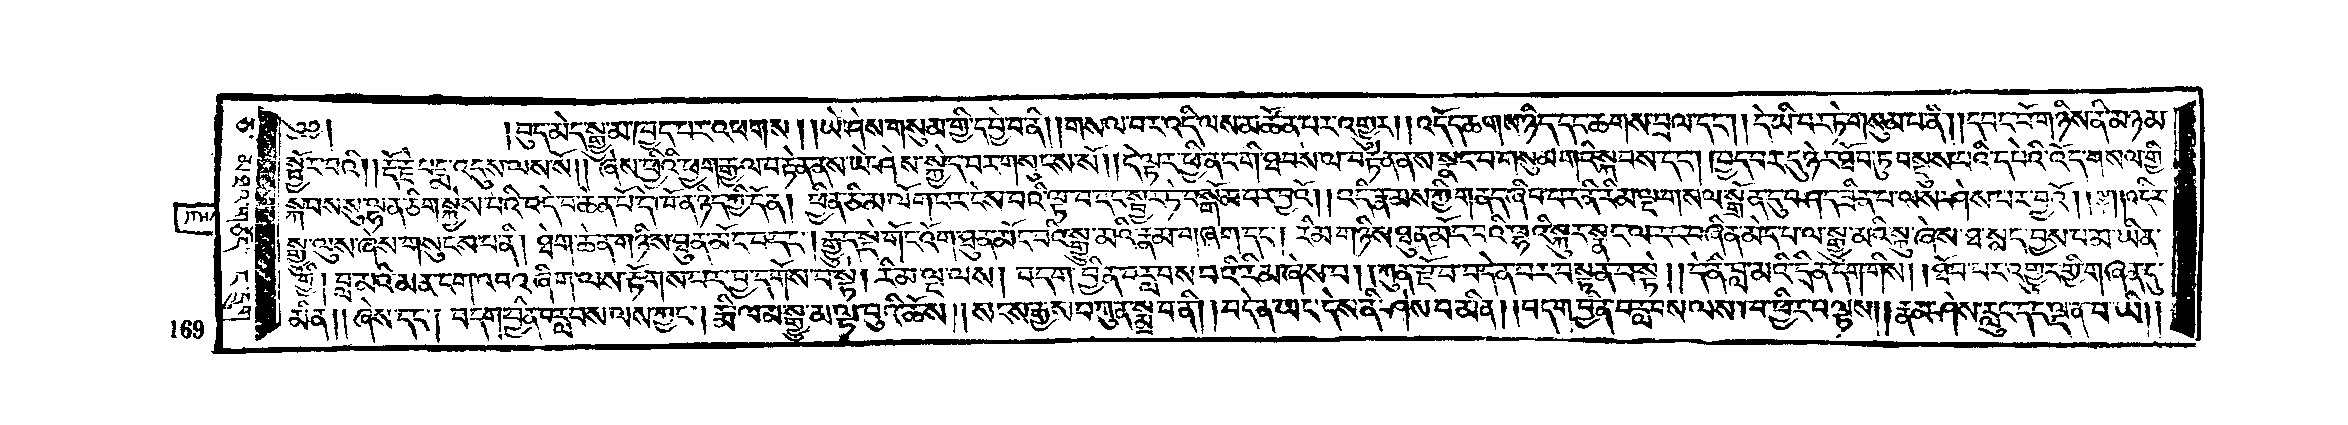༄༅། །བུད་མེད་སྒྱུ་མ་ཁྱད་པར་འཕགས། །ཡེ་ཤེས་གསུམ་གྱི་དབྱེ་བ་ནི། །གསལ་བར་འདི་ལས་མཚོན་པར་འགྱུར། །འདོད་ཆགས་ཉིད་དང་ཆགས་བྲལ་དང་། །དེ་ཡི་བར་ཏེ་གསུམ་པ་ནི། །དབང་པོ་གཉིས་ནི་མཉམ་
སྦྱོར་བའི། །རྡོ་རྗེ་པདམ་འདུས་ལས་སོ། །ཞེས་ཕྱིའི་ཕྱག་རྒྱ་ལ་བརྟེན་ནས་ཡེ་ཤེས་སྐྱེད་པར་གསུངས་སོ། །དེ་ལྟར་ཕྱི་ནང་གི་ཐབས་ལ་བརྟེན་ནས་སྣང་བ་གསུམ་གའི་སྐབས་དང་། ཁྱད་པར་དུ་ཉེར་ཐོབ་ཏུ་བསྡུས་པའི་དཔེའི་འོད་གསལ་གྱི་
སྐབས་སུ་ལྷན་ཅིག་སྐྱེས་པའི་བདེ་བ་ཆེན་པོ་དེ་ཁོ་ན་ཉིད་ཀྱི་དོན། ཕྱིན་ཅི་མ་ལོག་པར་ངེས་པའི་ལྟ་བ་དང་སྦྱར་ཏེ་བསྒོམ་པར་བྱའོ། །འདི་རྣམས་ཀྱི་གནད་ཞིབ་པར་ནི་རིམ་ལྔ་གསལ་སྒྲོན་དུ་བཤད་ཟིན་པ་ལས་ཤེས་པར་བྱའོ།། ༈ །།འདིར་
སྒྱུ་ལུས་ཞེས་གསུངས་པ་ནི། ཐེག་ཆེན་གཉིས་ཐུན་མོང་བ་དང་། རྒྱུད་སྡེ་གོང་འོག་ཐུན་མོང་བའི་སྒྱུ་མའི་རྣམ་གཞག་དང་། རིམ་གཉིས་ཐུན་མོང་བའི་ལྷའི་སྐུར་སྣང་ལ་རང་བཞིན་མེད་པ་ལ་སྒྱུ་མའི་སྐུ་ཞེས་ཐ་སྙད་བྱས་པ་མ་ཡིན་
གྱི། བླ་མའི་མན་ངག་འབའ་ཞིག་ལས་རྟོགས་པར་བྱ་དགོས་པ་སྟེ། རིམ་ལྔ་ལས། བདག་བྱིན་བརླབས་པའི་རིམ་ཞེས་པ། །ཀུན་རྫོབ་བདེན་པར་བསྟན་པ་སྟེ། །དེ་ནི་བླ་མའི་དྲིན་དག་གིས། །ཐོབ་པར་འགྱུར་གྱི་གཞན་དུ་
མིན། །ཞེས་དང་། བདག་བྱིན་བརླབས་ལས་ཀྱང་། རྨི་ལམ་སྒྱུ་མ་ལྟ་བུའི་ཆོས། །སངས་རྒྱས་པ་ཀུན་སྨྲ་བ་ནི། །བདེན་ཡང་དེས་ནི་ཤེས་པ་མིན། །བདག་བྱིན་བརླབས་ལས་ཁ་ཕྱིར་བལྟས། །རྣམ་ཤེས་རླུང་དང་ལྡན་པ་ཡི། །